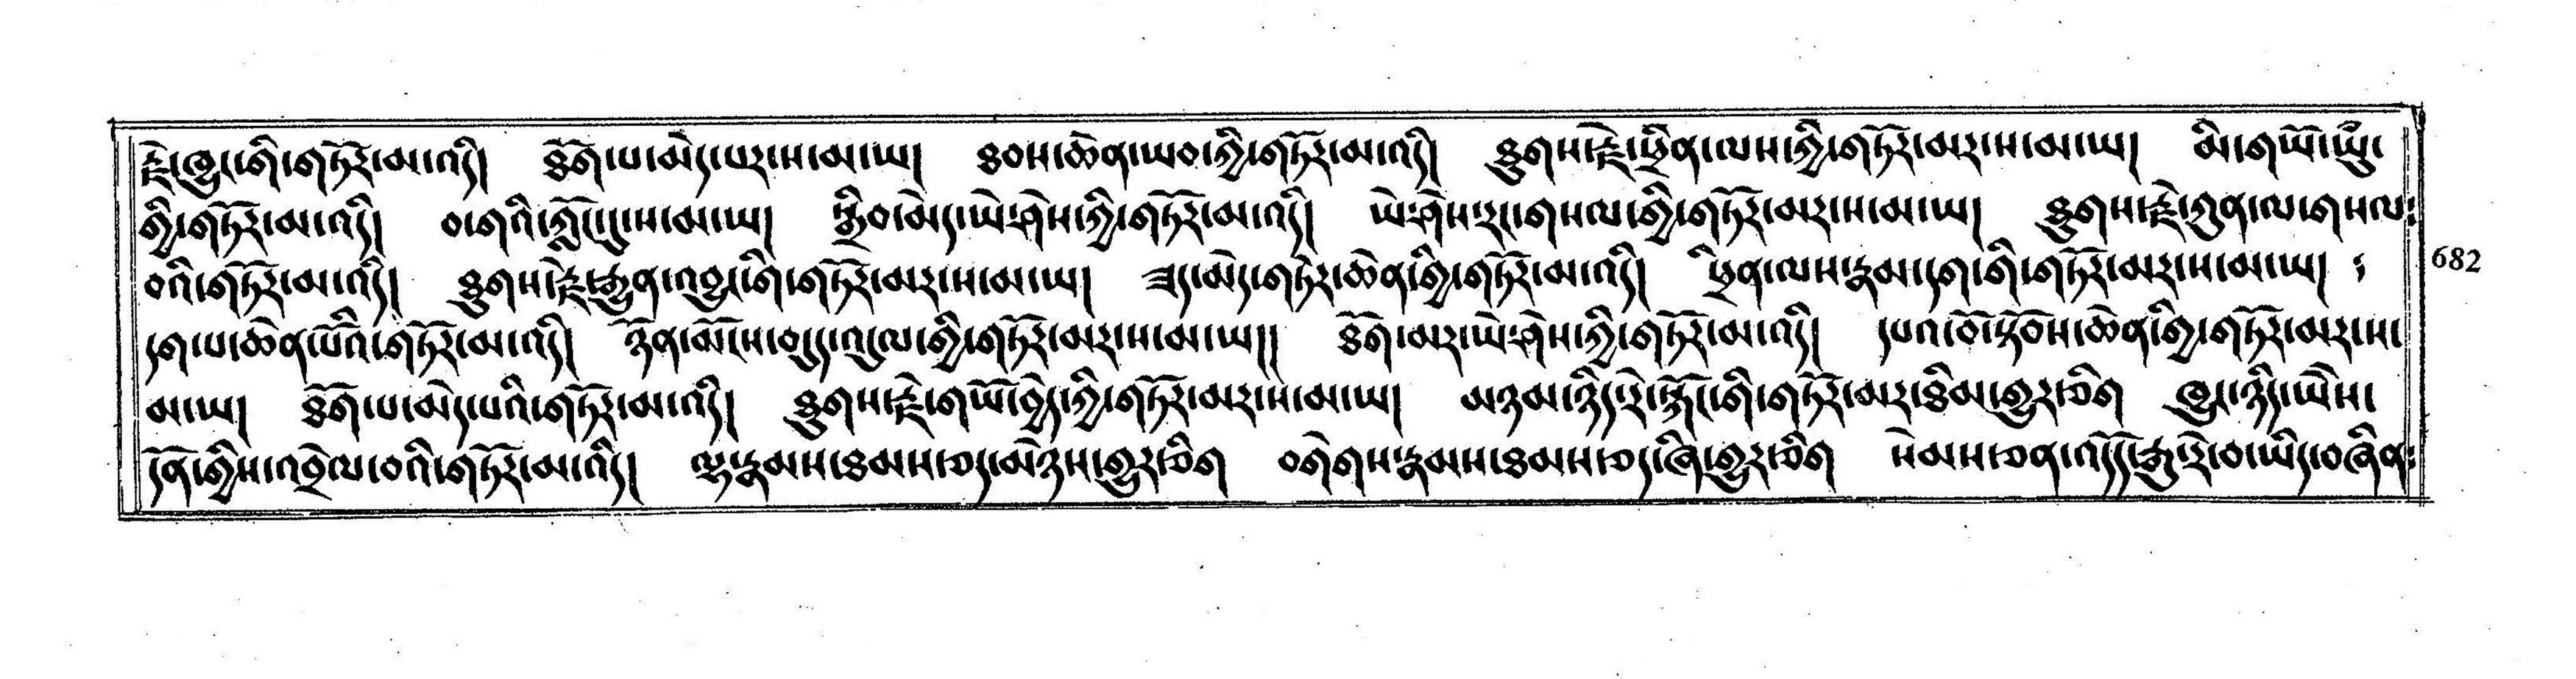རྗེ་ཁྱུང་གི་གཏོར་མ་འདི། ཐོག་པ་མེད་པར་ས་མ་ཡ། ཐབས་ཆེན་ཡབ་ཀྱི་གཏོར་མ་འདི། ཐུགས་རྗེ་ཕྲིན་ལས་ཀྱི་གཏོར་མར་ས་མ་ཡ། མི་གཡོ་ཡུམ་
གྱི་གཏོར་མ་འདི། བ་གའི་ཀློང་དུ་ས་མ་ཡ། སྒྲིབ་མེད་ཡེ་ཤེས་ཀྱི་གཏོར་མ་འདི། ཡེ་ཤེས་རང་གསལ་གྱི་གཏོར་མར་ས་མ་ཡ། ཐུགས་རྗེ་ཀུན་ལ་གསལ་
བའི་གཏོར་མ་འདི། ཐུགས་རྗེ་རྒྱུན་འབྱུང་གི་གཏོར་མར་ས་མ་ཡ། ཟད་མེད་གཏེར་ཆེན་གྱི་གཏོར་མ་འདི། ཕྲིན་ལས་རྣམ་དག་གི་གཏོར་མར་ས་མ་ཡ།
དག་པ་ཆེན་པོའི་གཏོར་མ་འདི། ཉོན་མོངས་བདུད་འདུལ་གྱི་གཏོར་མར་ས་མ་ཡ།། ཐོག་མར་ཡེ་ཤེས་ཀྱི་གཏོར་མ་འདི། དཔའ་བོ་སྟོབས་ཆེན་གྱི་གཏོར་མར་ས་
མ་ཡ། ཐོག་པ་མེད་པའི་གཏོར་མ་འདི། ཐུགས་རྗེ་གཡོ་བྱེད་ཀྱི་གཏོར་མར་ས་མ་ཡ། མཉམ་ཉིད་རེ་སྐོང་གི་གཏོར་མར་ཐིམ་གྱུར་ཅིག ཁྱུང་ཉིད་ཡེ་ཤེས་
དོན་གྱིས་འབྲེལ་བའི་གཏོར་མ་འདི། ལྷ་རྣམས་ཐམས་ཅད་མཉེས་གྱུར་ཅིག བགེགས་རྣམས་ཐམས་ཅད་ཞི་གྱུར་ཅིག སེམས་ཅན་འདོད་རྒུ་རེ་བ་ཡིད་བཞིན་